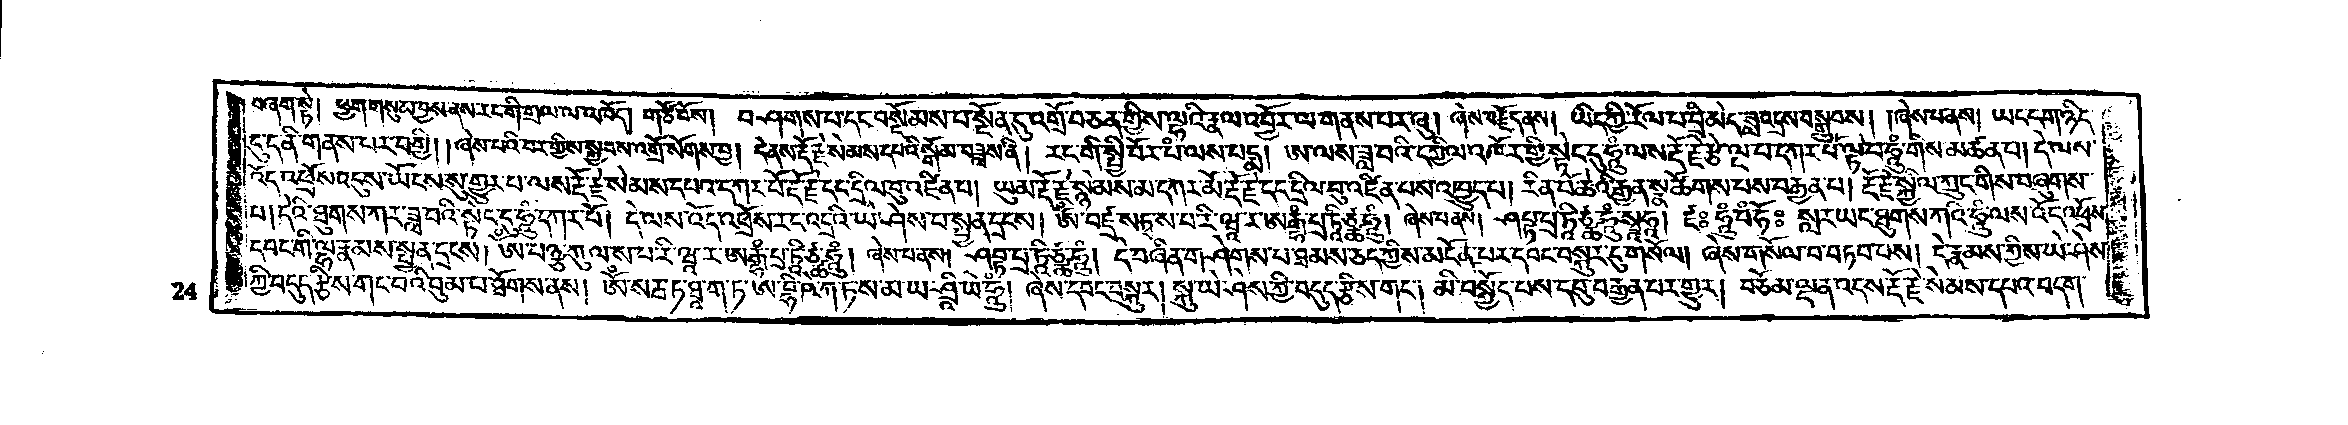བཞག་སྟེ། ཕྱག་གསུམ་བྱས་ནས་རང་གི་གྲལ་ལ་འཁོད། གཙོ་བོས། བཤགས་པ་དང་བསྡོམས་པ་སྔོན་དུ་འགྲོ་བ་ཅན་གྱིས་ལྷའི་རྣལ་འབྱོར་ལ་གནས་པར་ཞུ། ཞེས་བརྗོད་ནས། ཡིད་ཀྱི་རོལ་པ་དྲི་མེད་ཟླ་འདྲས་བསྒྲུབས། །ཞེས་པ་ནས། ཡང་དག་ཉིད་
དུ་ད་ནི་གནས་པར་བགྱི། །ཞེས་པའི་བར་གྱིས་སྐྱབས་འགྲོ་སོགས་བྱ། དེ་ནས་རྡོ་རྗེ་སེམས་དཔའི་སྒོམ་བཟླས་ནི། རང་གི་སྤྱི་བོར་པཾ་ལས་པདམ། ཨ་ལས་ཟླ་བའི་དཀྱིལ་འཁོར་གྱི་སྟེང་དུ་ཧཱུཾ་ལས་རྡོ་རྗེ་རྩེ་ལྔ་པ་དཀར་པོ་ལྟེ་བ་ཧཱུཾ་གིས་མཚན་པ། དེ་ལས་
འོད་འཕྲོས་འདུས་ཡོངས་སུ་གྱུར་པ་ལས་རྡོ་རྗེ་སེམས་དཔའ་དཀར་པོ་རྡོ་རྗེ་དང་དྲིལ་བུ་འཛིན་པ། ཡུམ་རྡོ་རྗེ་སྙེམས་མ་དཀར་མོ་རྡོ་རྗེ་དང་དྲིལ་བུ་འཛིན་པས་འཁྱུད་པ། རིན་པོ་ཆེའི་རྒྱན་སྣ་ཚོགས་པས་བརྒྱན་པ། རྡོ་རྗེ་སྐྱིལ་ཀྲུང་གིས་བཞུགས་
པ། དེའི་ཐུགས་ཀར་ཟླ་བའི་སྟེང་དུ་ཧཱུཾ་དཀར་པོ། དེ་ལས་འོད་འཕྲོས་རང་འདྲའི་ཡེ་ཤེས་པ་སྤྱན་དྲངས། ཨོཾ་བཛྲ་སཏྭ་ས་པ་རི་ཝཱ་ར་ཨརྒྷཾ་པྲ་ཏཱི་ཙྪ་ཧཱུཾ། ཞེས་པ་ནས། ཤཔྟ་པྲ་ཏཱི་ཙྪ་ཧཱུཾ་སྭཱཧཱ། ཛཿ ཧཱུཾ་བཾ་ཧོཿ སླར་ཡང་ཐུགས་ཀའི་ཧཱུཾ་ལས་འོད་འཕྲོས་
དབང་གི་ལྷ་རྣམས་སྤྱན་དྲངས། ཨོཾ་པཉྩ་ཀུལ་ས་པ་རི་ཝཱ་ར་ཨརྒྷཾ་པྲ་ཏཱི་ཙྪ་ཧཱུཾ། ཞེས་པ་ནས། ཤཔྟ་པྲ་ཏཱི་ཙྪ་ཧཱུཾ། དེ་བཞིན་གཤེགས་པ་ཐམས་ཅད་ཀྱིས་མངོན་པར་དབང་བསྐུར་དུ་གསོལ། ཞེས་གསོལ་བ་བཏབ་པས། དེ་རྣམས་ཀྱིས་ཡེ་ཤེས་
ཀྱི་བདུད་རྩིས་གང་བའི་བུམ་པ་ཐོགས་ནས། ཨོཾ་སརྦ་ཏ་ཐཱ་ག་ཏ་ཨ་བྷི་ཥེ་ཀ་ཏ་ས་མ་ཡ་ཤྲཱི་ཡེ་ཧཱུཾ། ཞེས་དབང་བསྐུར། སྐུ་ཡེ་ཤེས་ཀྱི་བདུད་རྩིས་གང་། མི་བསྐྱོད་པས་དབུ་བརྒྱན་པར་གྱུར། བཅོམ་ལྡན་འདས་རྡོ་རྗེ་སེམས་དཔའ་བདག་